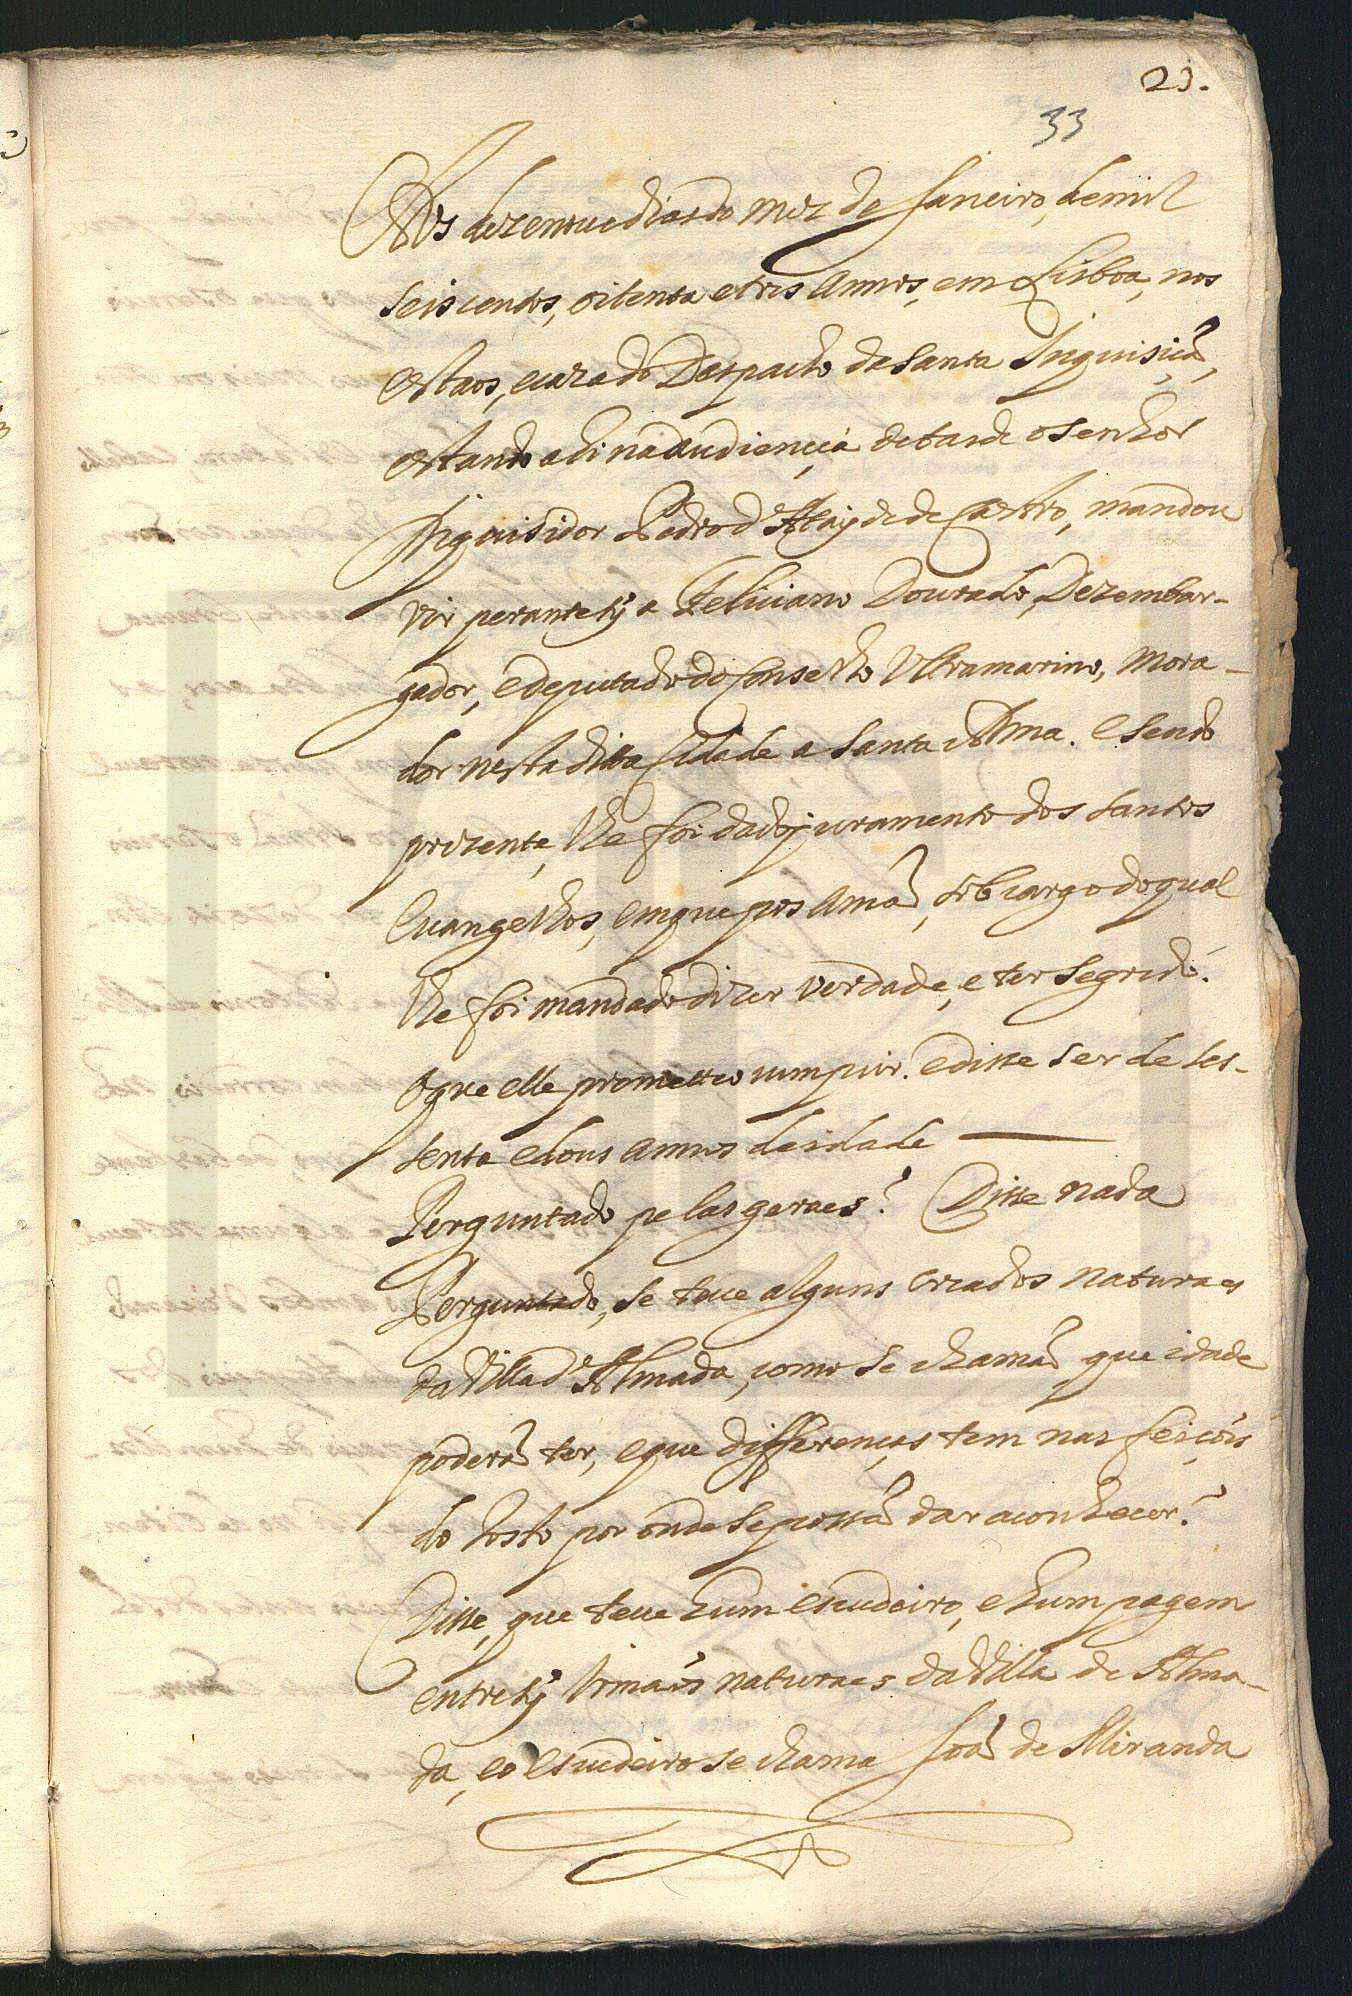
Aos dezenoue dias do mez de Janeiro, de mil
seiscentos, oitenta e tres annos, em Lisboa, nos
estaos, e caza do Despacho da santa Inquisiçaõ,
estando ahi na audiençia de tarde o senhor
Jnquisidor Pedro de Atayde de Castro, mandou
vir perante sy a Feliciano Dourado, Dezembar
gador, e deputado do Conselho Vltramarino, mora
dor nesta ditta Cidade a Santa Anna. e sendo
prezente, lhe foi dado juramento dos santos
Euangelhos, em que pos a maõ, sob cargo do qual
lhe foi mandado dizer verdade, e ter segredo.
O que elle prometteo cumprir. e disse ser de ses
senta e dous annos de idade
Perguntado pelas geraes? Disse nada
Perguntado, se teue alguns criados naturaes
da Villa de Almada, como se chamaõ, que idade
poderaõ ter, e que differenças tem nas feiçoēs
do Rosto por onde se possaõ dar a conhecer?
Disse, que teue hum escudeiro, e hum pagem
entre sy Irmaõs naturaes da Villa de Alma
da, e o escudeiro se chama Joaõ de Miranda
